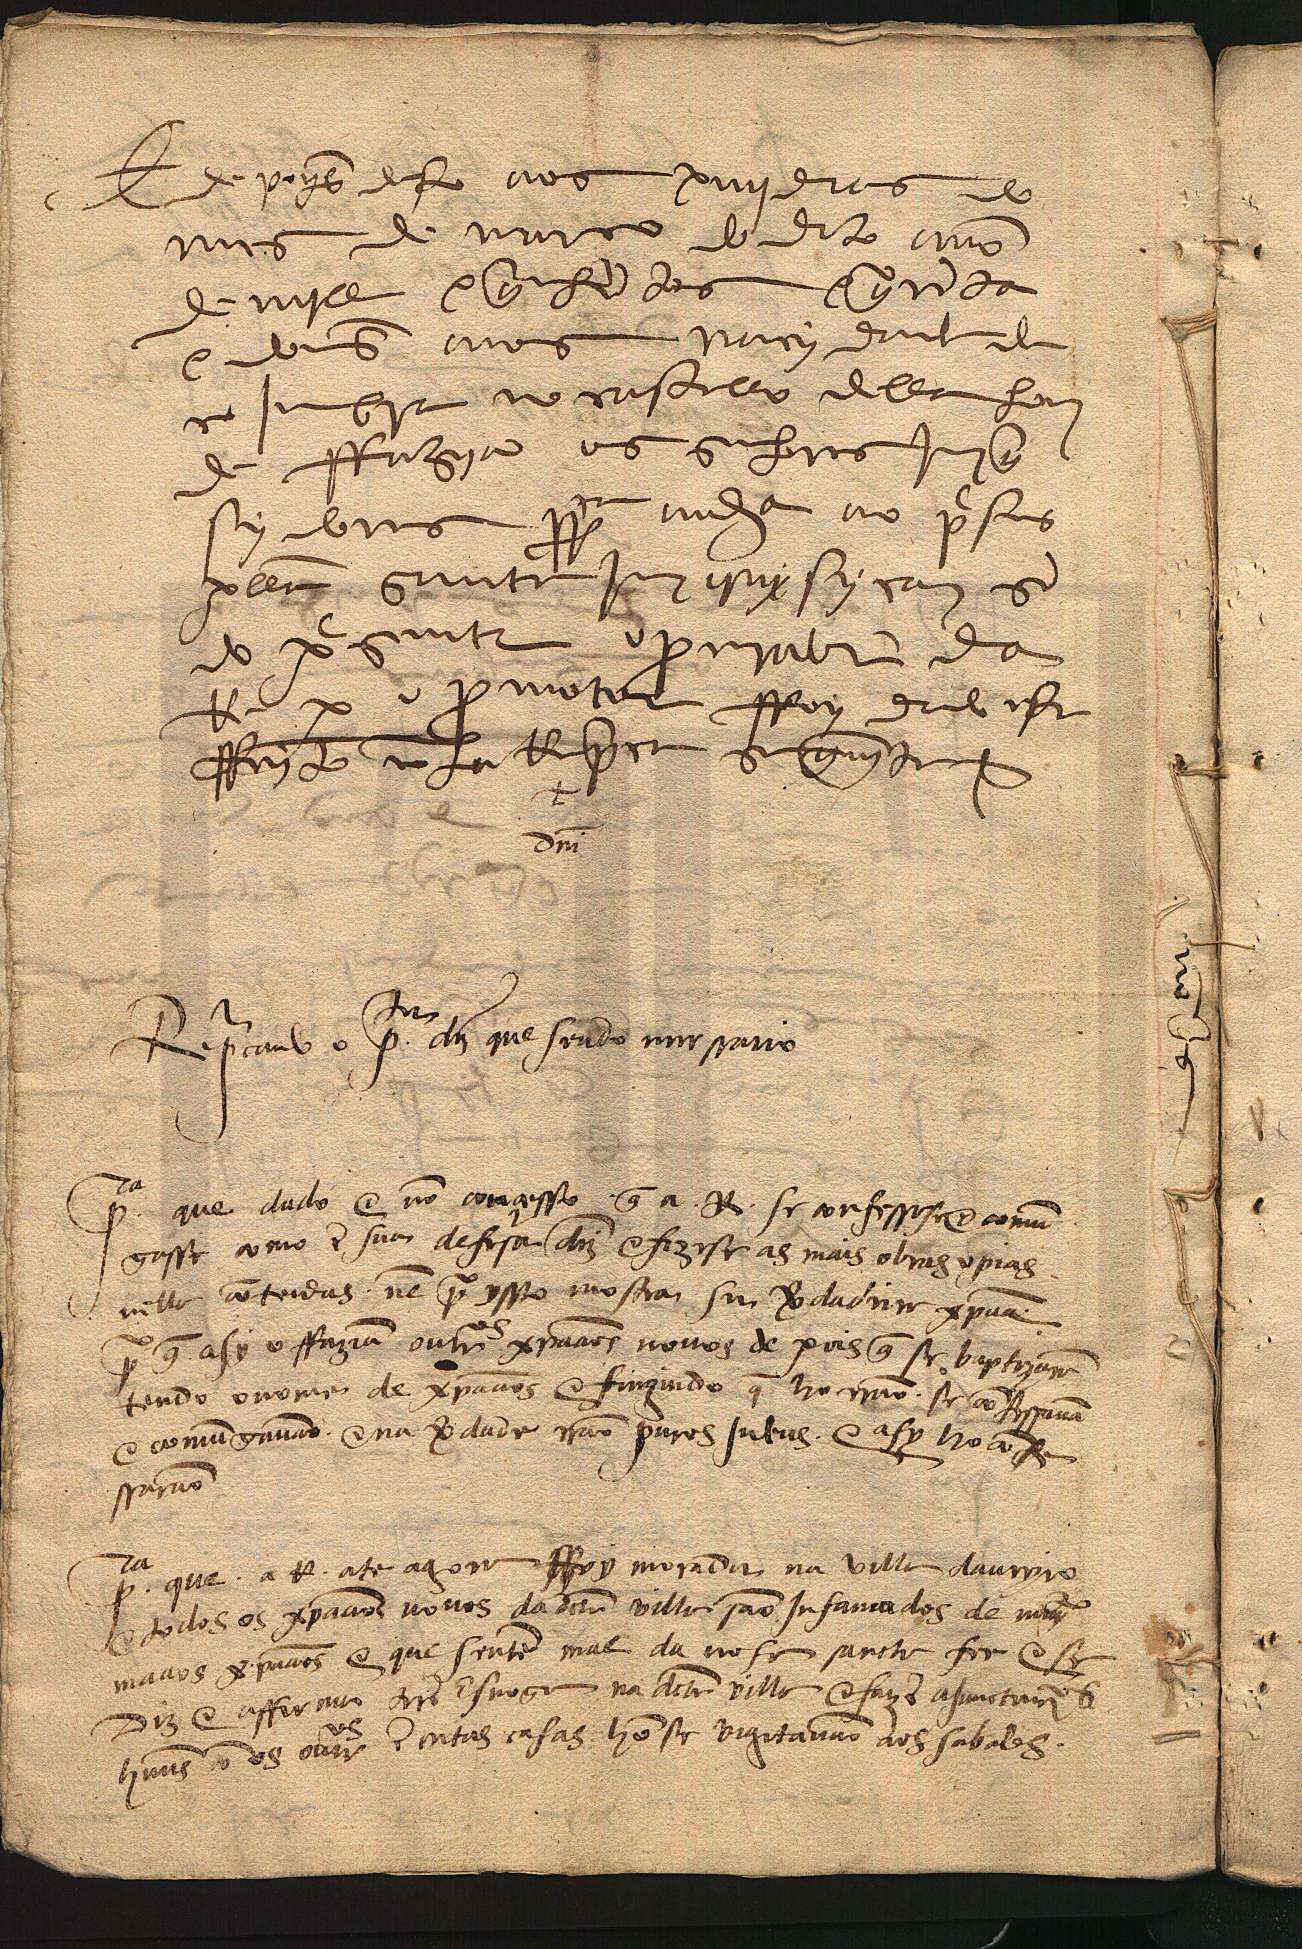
E depoys desto aos xiiij dias do
mes de março do dito an̄o
de mjll e q̄nhētos e q̄orēta
e dous anos na cydade de
coJmbra no castello della hon
de ffazyā os senhores Imq̄
sydores ꝓpca audja ao p̄sos
pll̄a santa Jmquysyçam sē
do p̄semte o ꝓcurador da
Re ꝑ o ꝓmotor ffoy dado este
ffeyto c̄o ha Rep̄ica segūjte
dn̄i
Rep̄cando o ptor. diz que sendo necessario
p.ra que dado e nō comçesso q̄ a Re se confessase e comū
gasse como ē sua defesa diz̄ e fizese as mais obras o pias
nella c̄oteudas n̄e p̄o ysso mostra ser ꝟdadeira xpāa
p̄oq̄ asy o ffazīa outros xpãaos nouos depois q̄ se baptizāra
tendo o nome de xpãaos e fingindo q̄ ho erão se c̄ofessaūa
e comūgauão e na ꝟdade erão puros Judeus e asy ho c̄ofe
ssarão
p.ra que a R. ate agora ffoy morador na villa daueyro
e todos os xpãaos nouos da dita villa são Jnfamados de muyto
maaos xpãaos e que sentē mal da nosa sancta fee e se
Diz e affirma terē Esnoga na d̄cta villa e fazē aJunctamtos
hūua c̄o os outros ē certas casas hō se vigitauão aos sabados
